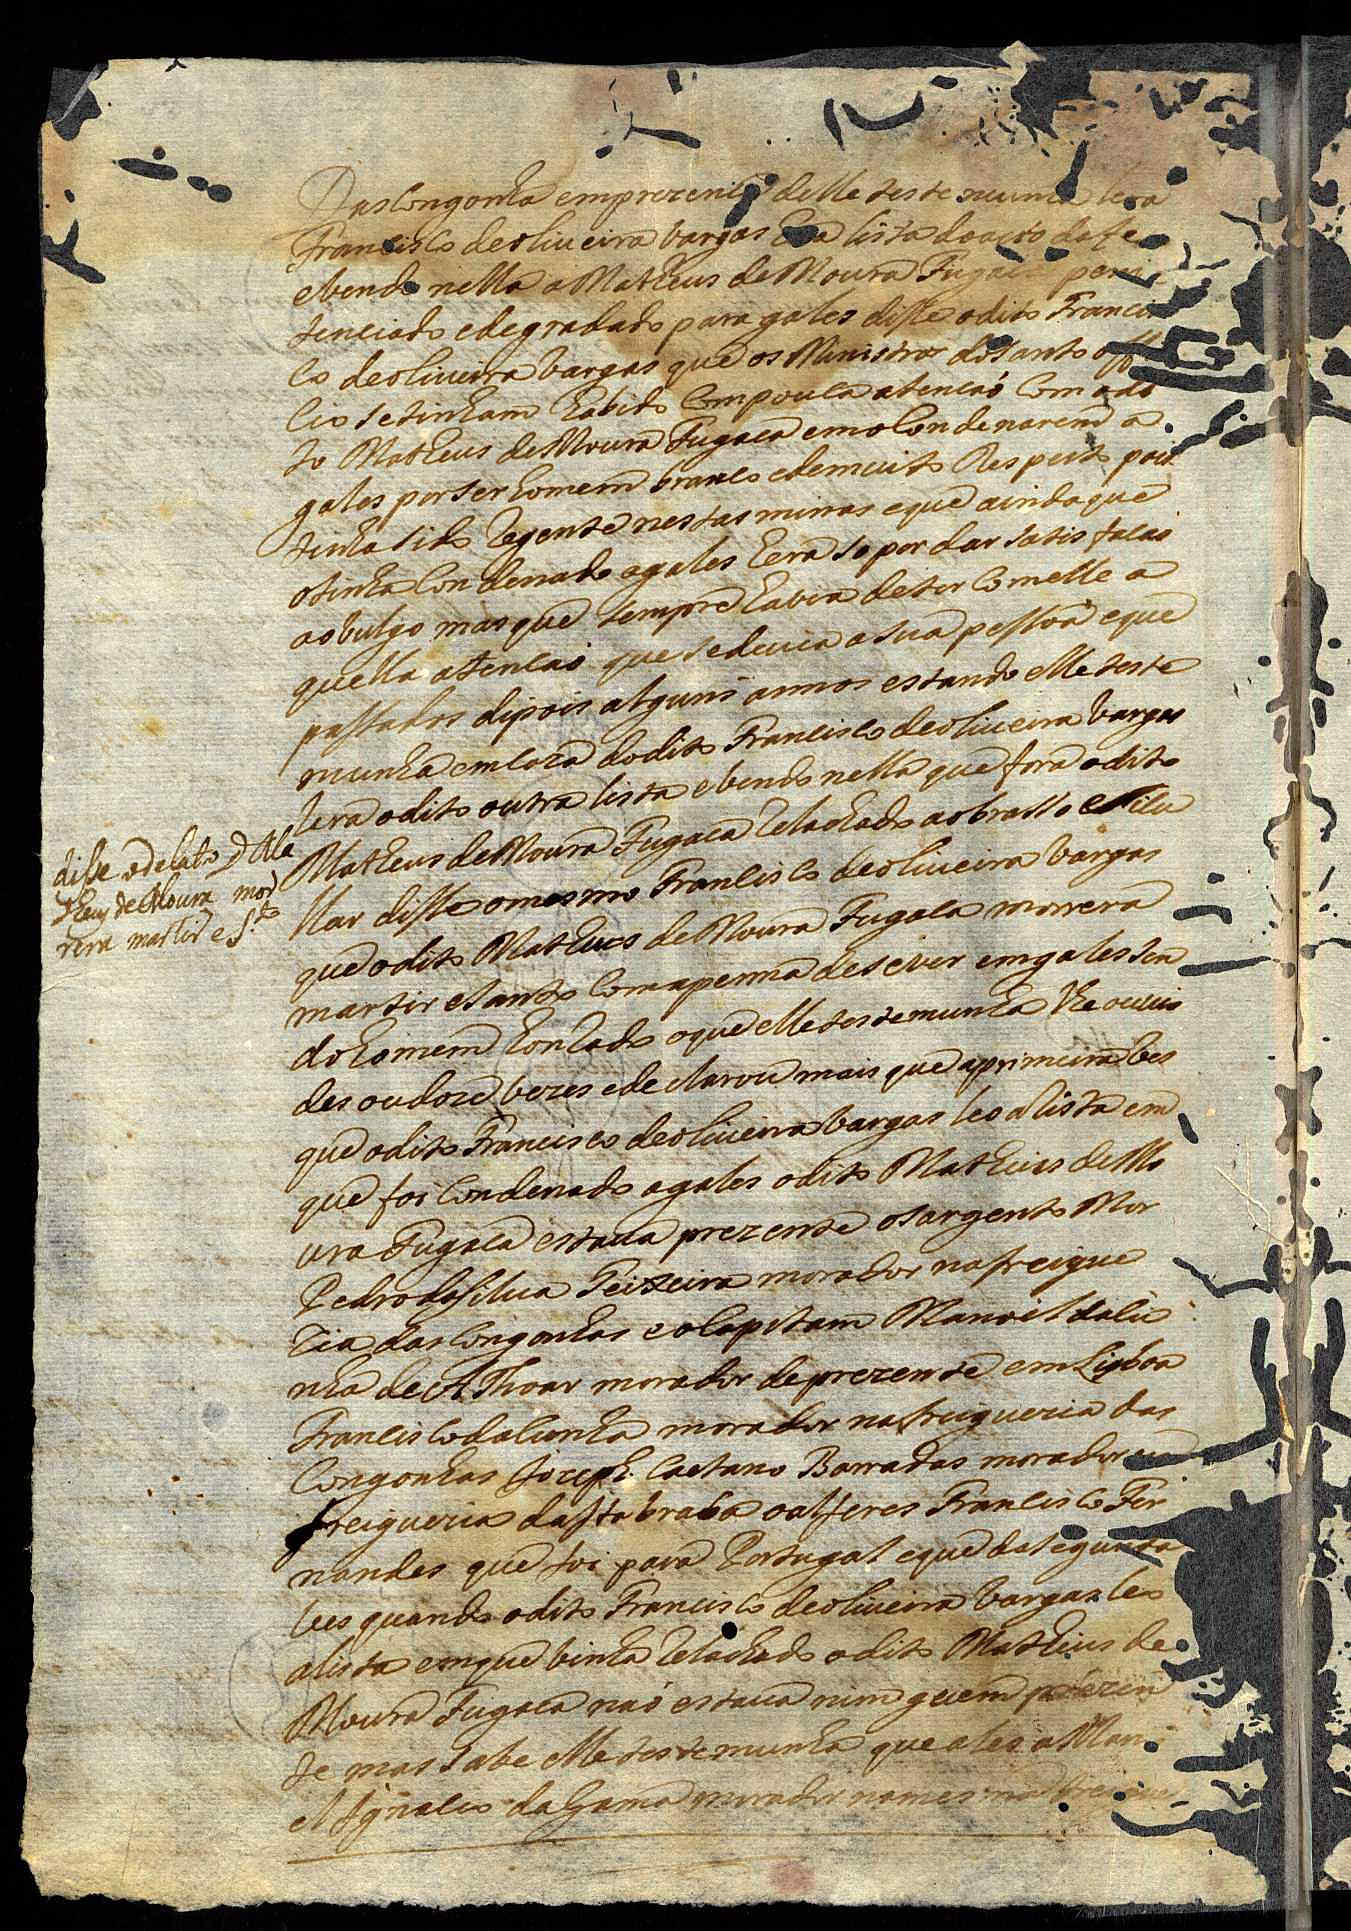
Das Congonha em prezença delle testemunha hera
Francisco de oliueira vargas E_a lista do acto de fe
e vendo nella a Matheus de Moura Fugaça peni
tenciado e degradado para gales disse o dito Franci
Co de oliueira Vargas que os Ministros do santo off
Cio se tinham habito Com pouca atençaõ Com o di
to Matheus de Moura Fugaça em o Condenarem a
gales por ser homem branco e de muito Respeito pois
tinha sido Regente nestas minas e que ainda que
o tinha Condenado a gales hera so por dar satisfaçao
ao Vulgo mas que sempre havia de ter com elle a
quella atençaõ que se deuia a sua pessoa e que
passados dipois alguns annos estando elle teste
munha em caza do dito Francisco de oliueira vargas
lera o dito outra lista, e vendo nella que fora o dito
Matheus de Moura Fugaça Relachado ao brasso sicu
disse o delato q̄ Ma
theus de Moura mor
rera martir e s.to
llar disse o mesmo Francisco de oliueira vargas
que o dito Matheus de Moura Fugaça morrera
martir e santo com a penna de se ver em gales sen
do homem honRado o que elle testemunha lhe ouuio
des ou doze vezes e declarou mais que a primeira ves
que o dito Francisco de oliueira vargas leo a lista em
que foi Condenado a gales o dito Matheus de Mo
ura Fugaça estaua prezente o sargento Mor
Pedro da Silua Teixeira morador na freigue
Zia das congonhas e o Capitam Manoel da Cu
nha de Athoar morador de prezente em Lisboa
FrancisCo da Cunha morador na freiguezia das
Congonhas Jozeph Caetano Barradas morador
freiguezia da Jtabraba o alferes Francisco Fer
nandes que foi para Portugal e que da segunda
ves, quando o dito Francisco de oliueira Vargas leo
a lista em que vinha Relachado o dito Matheus de
Moura Fugaça naõ estaua nimguem prezen
te mas sabe elle testemunha que o leo a Man
el Jgnacio da Gama morador na mesma freigue
